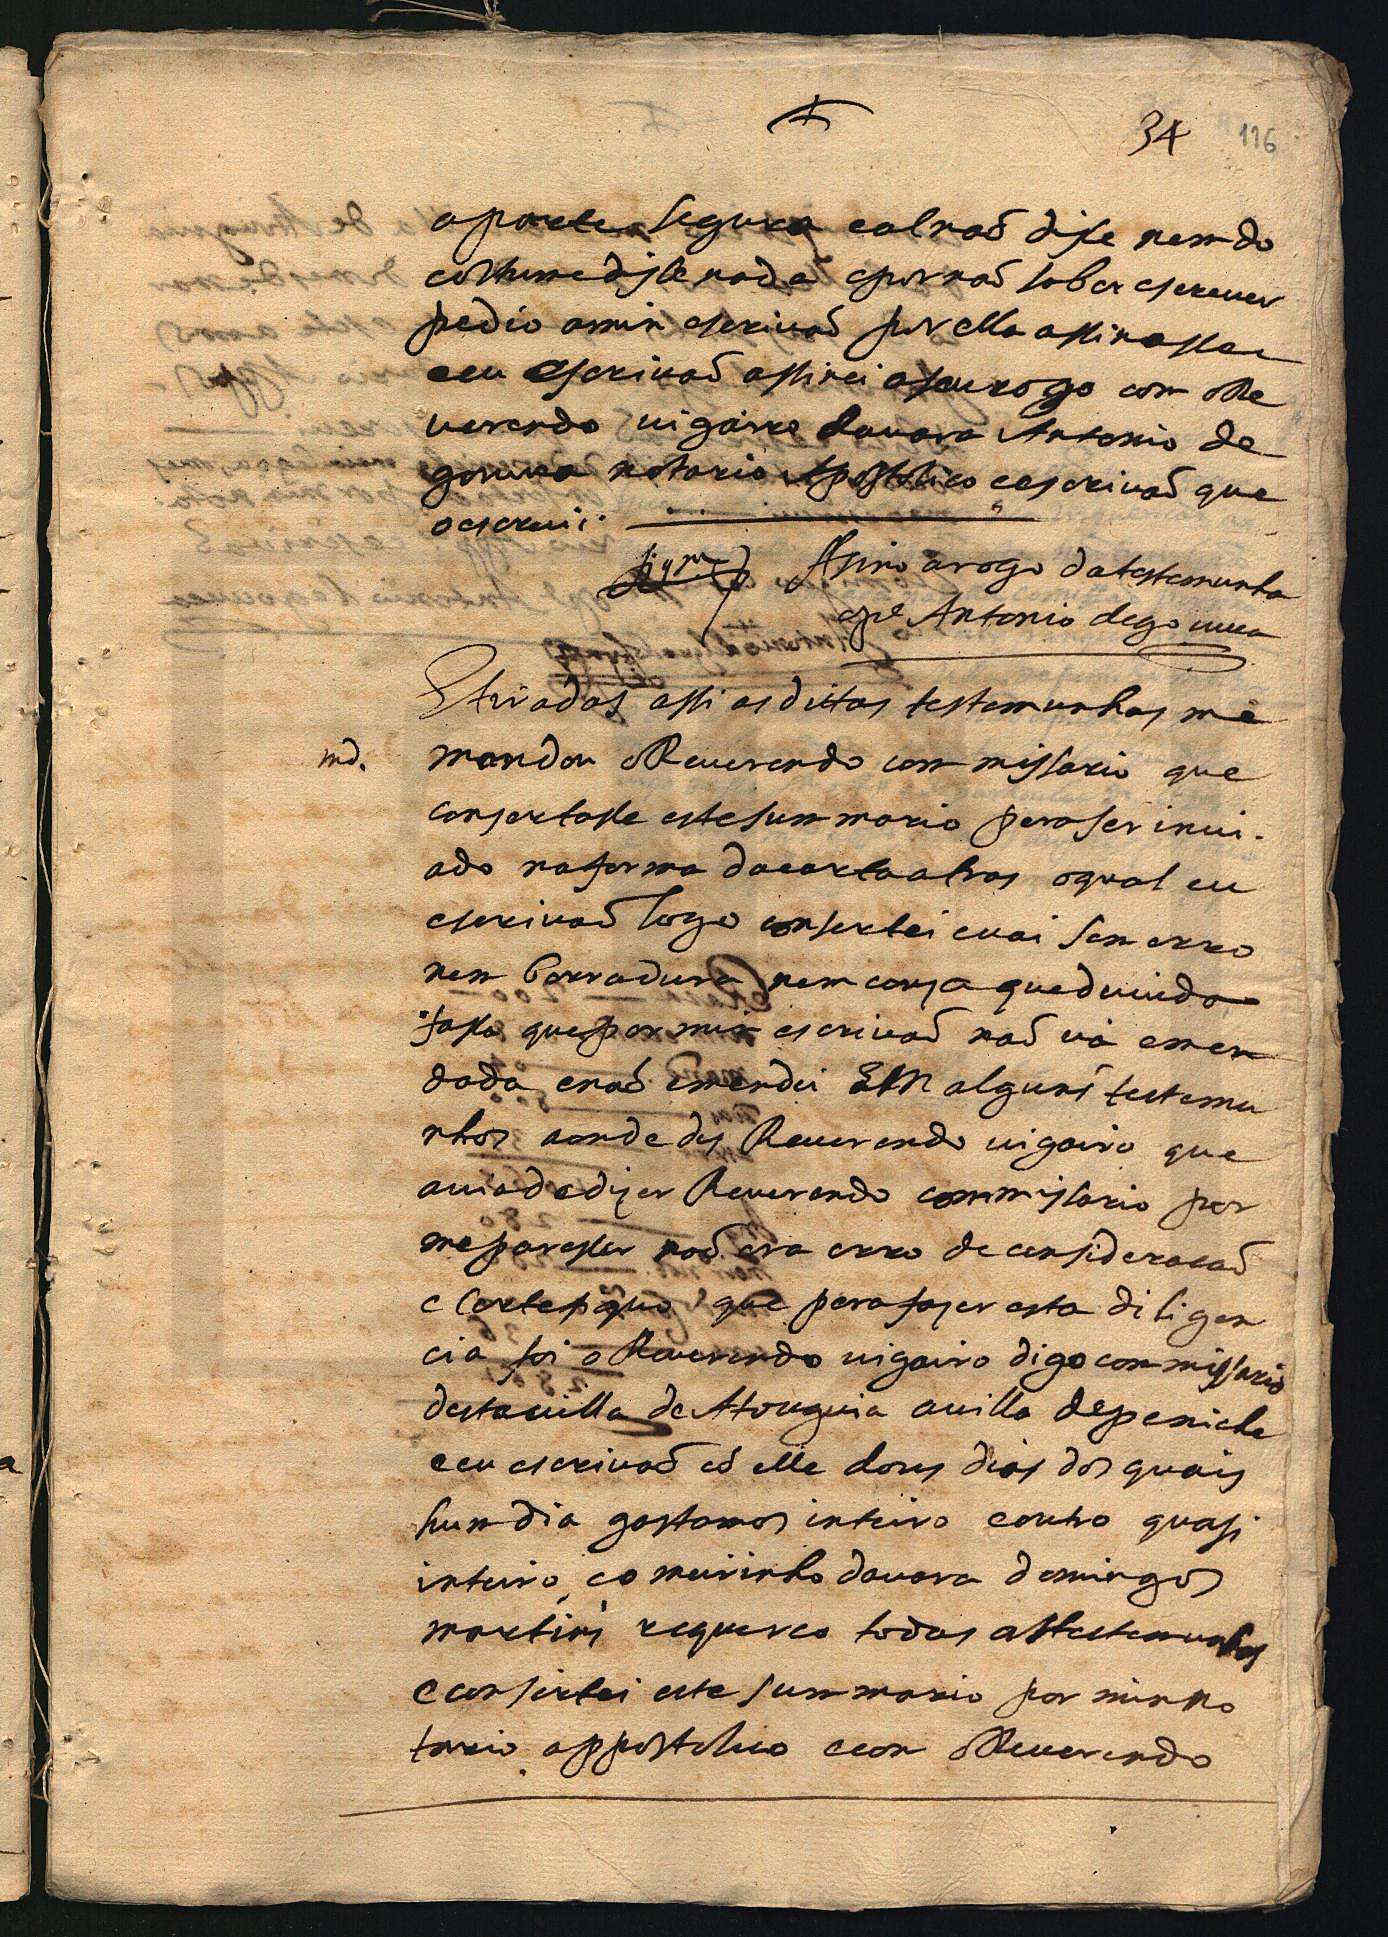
a parte segura e al naõ disse nem do
costume disse nada e por naõ saber escreuer
pedio a min escriuaõ por ella assinasse
e eu escriuaõ assinei a seu rogo com o Re
uerendo uigairo da uara Antonio de
gouuea notario Apostolico e escriuaõ que
o escreui.
figra
Asino a rogo da testemunha
o pe Antonio de gouuea
E tiradas assi as dittas testemunhas me
mandou o Reuerendo commissario que
consertasse este summario pera ser inui
ado na forma da carta atras o qual eu
escriuão logo consertei e uai sem erro
nem borradura nem couza que duuida
fassa que por mim escrivaõ naõ uá emen
dada e naõ emendei Em alguns testemu
nhos aonde dis Reuerendo uigairo que
auia de dizer Reuerendo commissario por
me paresser naõ era erro de consideraçaõ
e certefiquo, que pera fazer esta diligen
cia foi o Reuerendo uigairo digo commissario
desta uilla de Atouguia a uilla de peniche
e eu escriuão cō elle dous dias dos quais
hum dia gastamos inteiro, e outro quasi
inteiro, e o meirinho da uara domingos
martins requereo todas as testemunhas
e consertei este summario por min no
tario appostolico e com o Reuerendo
